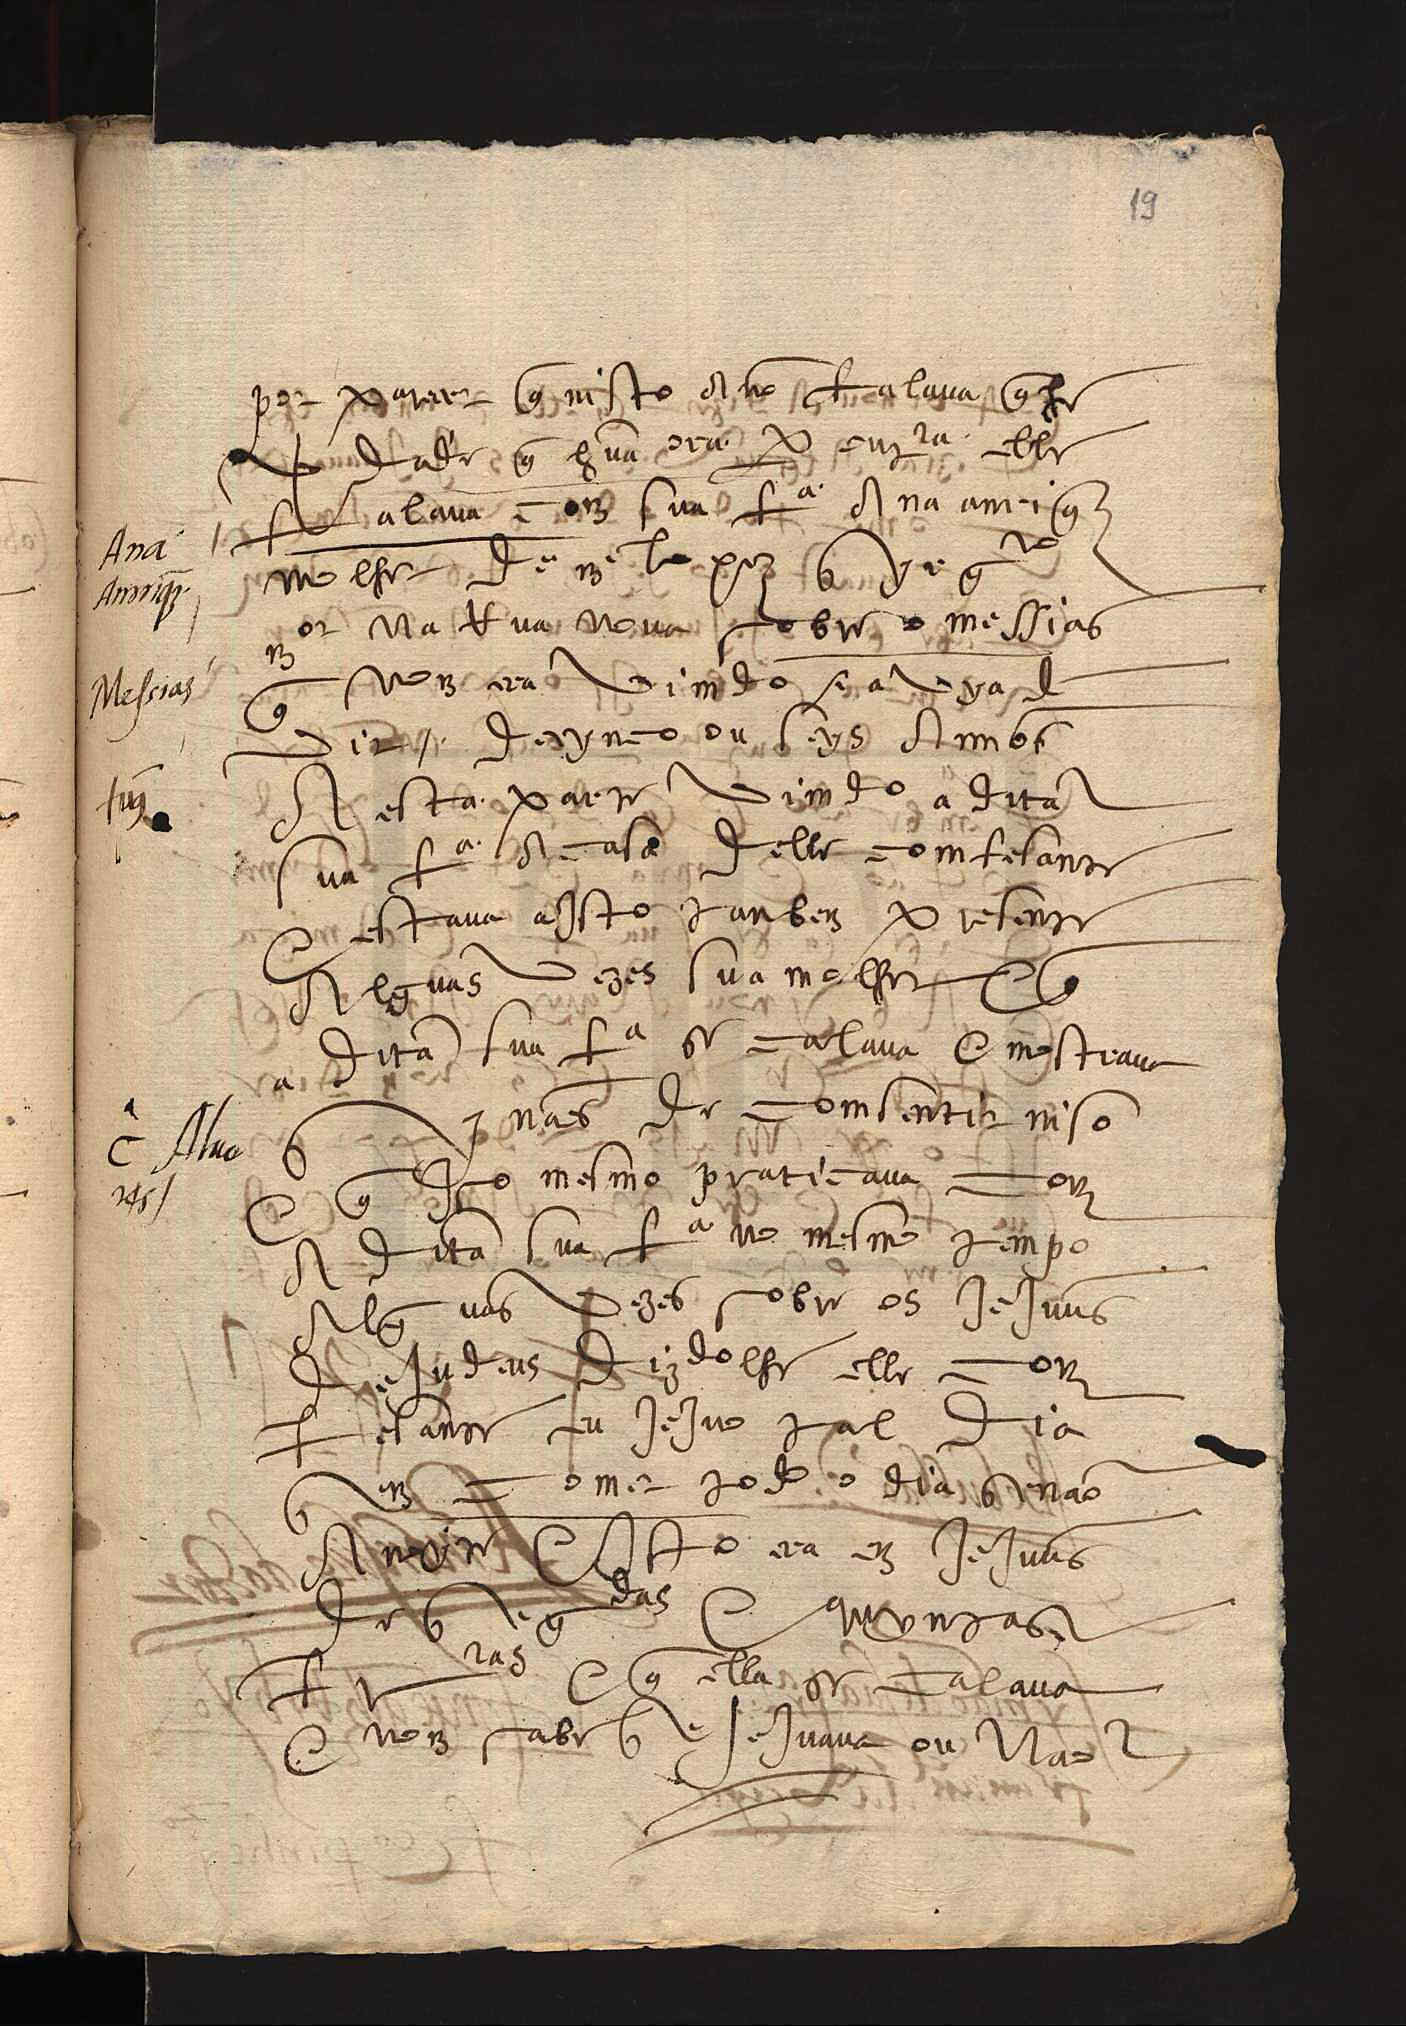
por parecer q̄ nisto A nō falaua q̄ he
ꝟdade q̄ hūa ora ꝑ outra elle
falaua com sua fa Ana amriq̄z
Ana
molher de mel pez syrgro
Amriq̄z
mor na Rua noua sobre o messias
q̄ nom era vimdo e avya de
Messias
vir /. de cynco ou seys Annōs
A esta parte vimdo a ditā
tp̄ꝯ
sua fa. A casa delle comfesante
e estaua a Jsto tanbem presente
Alguās vezes sua molher e q̄
a ditā sua fa se calaua e mostraua
synāes de comsentir niso
Ca Alue
e q̄ Jso mesmo praticaua com
res/
A dit̄a sua fa no mesmo tempo
Alguās vezes sobre os JeJuūs
de Judeus dizdolhe elle com
fessante seu JeJū tal dia
sem comer todo o dia senaõ
A noyte e Jsto era em JeJuūs
de segdas e quyntas
fras e q̄ ella se calaua
e nom sabe se JeJuaua ou Não
